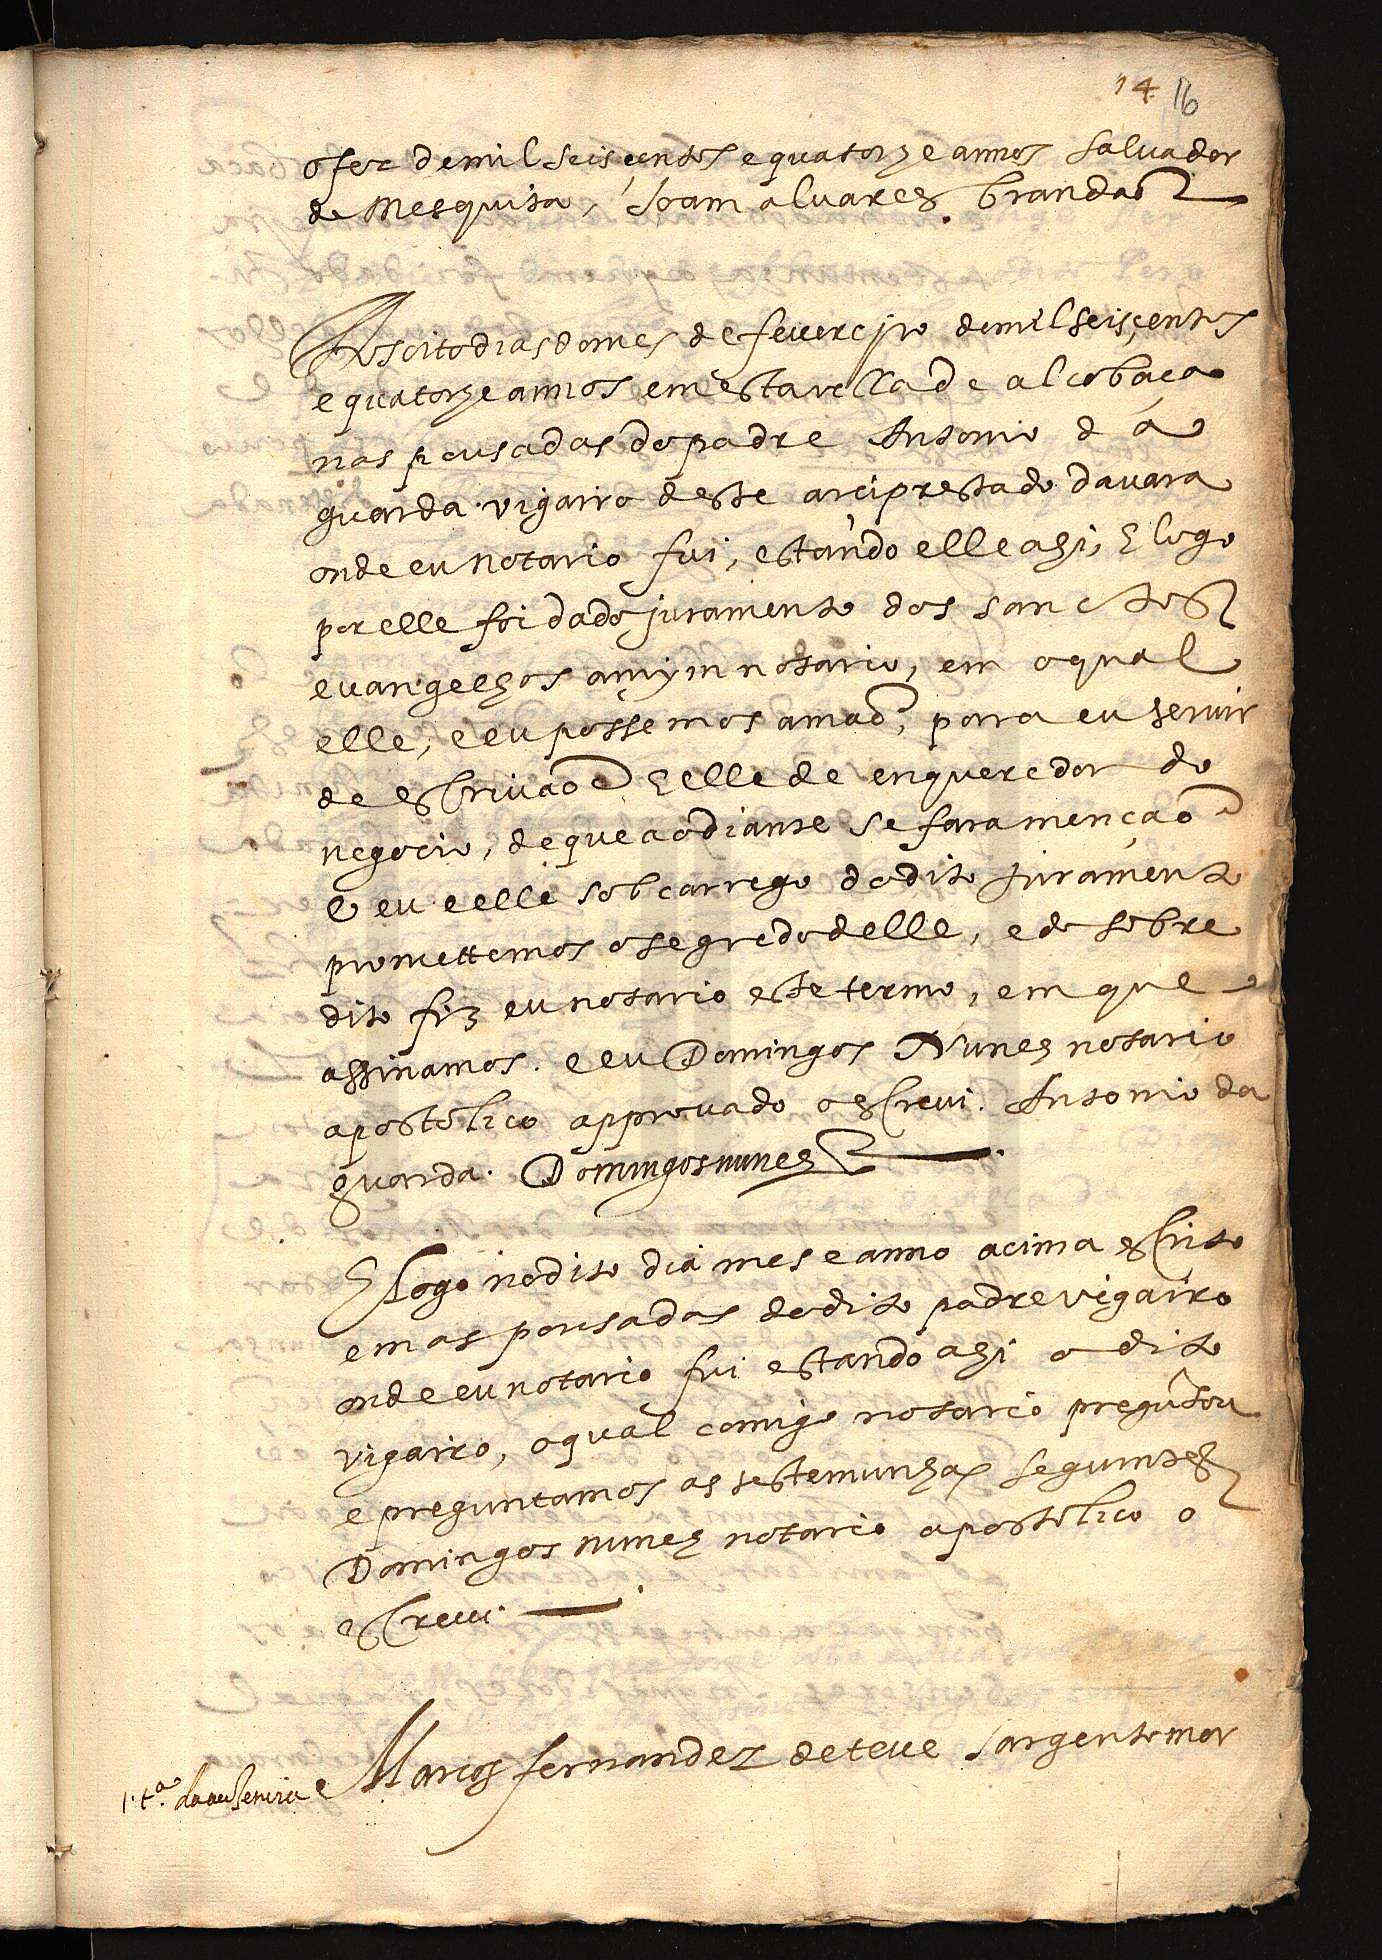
o fez de mil seisçentos e quatorze annos Saluador
de mesquita, Ioam aluares brandaõ
Aos oito dias do mes de feuereiro de mil seisçentos
e quatorze annos em esta villa de alcobaça
nas pousadas do padre Antonio da
guarda vigairo deste arçiprestado da uara
onde eu notario fui, estando elle ahi E logo
por elle foi dado juramento dos sanctos
euangelhos a mym notario, em o qual
elle, e eu possemos a maõ, para eu seruir
de esCriuaõ E elle de enqueredor do
negocio, de que ao diante se fara mençaõ
E eu e elle sob carrego do dito juramento
promettemos o segredo delle, e do sobre
dito fiz eu notario este termo, em que
assinamos. e eu Domingos Nunes notario
apostolico approuado o esCreui. Antonio da
guarda.
E Logo no dito dia mes e anno acima esCrito
em as pousadas do dito padre vigairo
onde eu notario fui estando ahi o dito
vigairo, o qual comigo notario pregūtou
e preguntamos as testemunhas seguintes
Domingos nunes notario apostolico o
esCreui
Marcos fernandez de teue sargento mor
